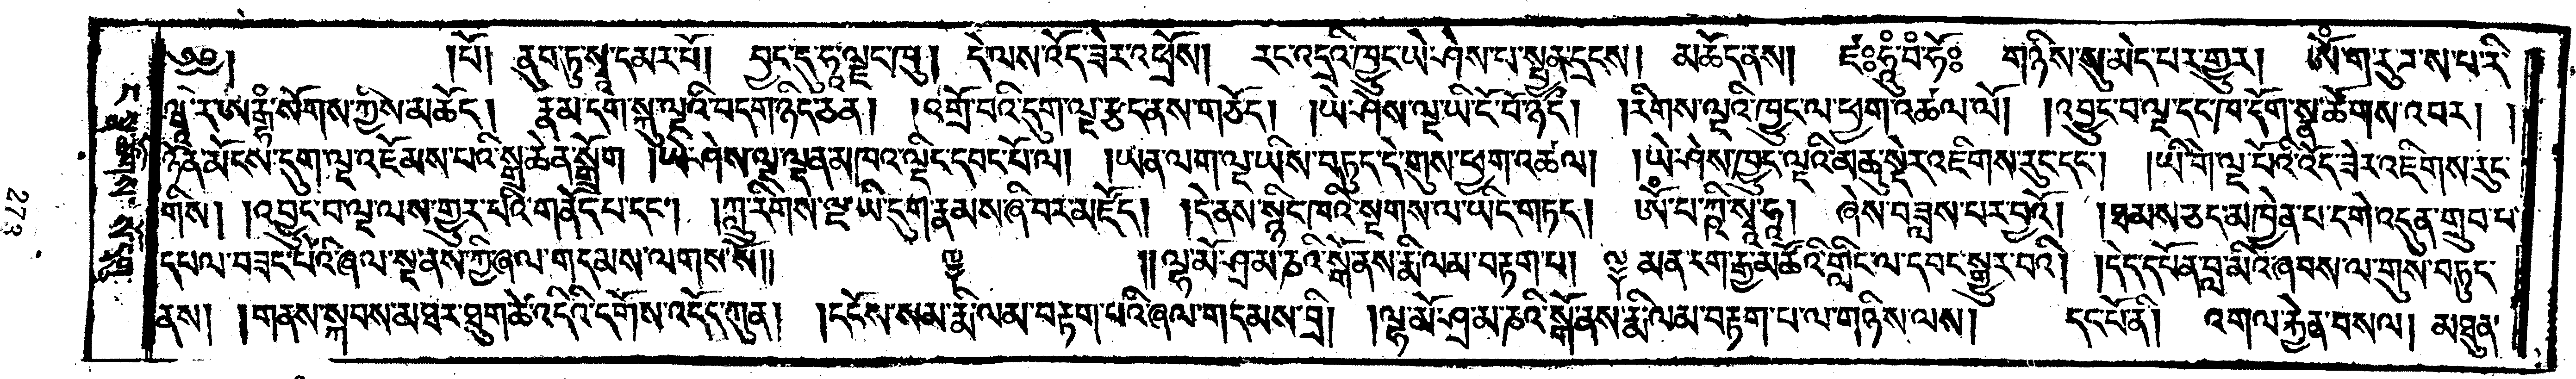༄༅། །པོ། ནུབ་ཏུ་སྭཱ་དམར་པོ། བྱང་དུ་ཧཱ་ལྗང་ཁུ། དེ་ལས་འོད་ཟེར་འཕྲོས། རང་འདྲའི་ཁྱུང་ཡེ་ཤེས་པ་སྤྱན་དྲངས། མཆོད་ནས། ཛཿ ཧཱུཾ་བཾ་ཧོཿ གཉིས་སུ་མེད་པར་གྱུར། ཨོཾ་ག་རུ་ཌ་ས་པ་རི་
ཝཱ་རེ་ཨརྒྷཾ་སོགས་ཀྱིས་མཆོད། རྣམ་དག་སྐུ་ལྔའི་བདག་ཉིད་ཅན། །འགྲོ་བའི་དུག་ལྔ་རྩད་ནས་གཅོད། །ཡེ་ཤེས་ལྔ་ཡི་ངོ་བོ་ཉིད། །རིགས་ལྔའི་ཁྱུང་ལ་ཕྱག་འཚལ་ལོ། །འབྱུང་བ་ལྔ་དང་ཁ་དོག་སྣ་ཚོགས་འབར། །
ཉོན་མོངས་དུག་ལྔ་འཇོམས་པའི་སྒྲ་ཆེན་སྒྲོག །ཡེ་ཤེས་ལྔ་ལྡན་མཁའ་ལྡིང་དབང་པོ་ལ། །ཡན་ལག་ལྔ་ཡིས་བཏུད་དེ་གུས་ཕྱག་འཚལ། །ཡེ་ཤེས་ཁྱུད་ལྔའི་མཆུ་སྡེར་འཇིགས་རུང་དང་། །ཡི་གེ་ལྔ་པོའི་འོད་ཟེར་འཇིགས་རུང་
གིས། །འབྱུང་བ་ལྔ་ལས་གྱུར་པའི་གནོད་པ་དང་། །ཀླུ་རིགས་ལྔ་ཡི་དུག་རྣམས་ཞི་བར་མཛོད། །དེ་ནས་སྙིང་ཁའི་སྔགས་ལ་ཡིད་གཏད། ཨོཾ་པ་ཀྵི་སྭཱ་ཧཱ། ཞེས་བཟླས་པར་བྱའོ། །ཐམས་ཅད་མཁྱེན་པ་དགེ་འདུན་གྲུབ་པ་
དཔལ་བཟང་པོའི་ཞལ་སྔ་ནས་ཀྱི་ཞལ་གདམས་ལགས་སོ།། ༈ །། ལྷ་མོ་ཤྲ་མ་ཎའི་སྒོ་ནས་རྨི་ལམ་བརྟག་པ། ༈ མན་ངག་རྒྱ་མཚོའི་གླིང་ལ་དབང་སྒྱུར་བའི། །དེད་དཔོན་བླ་མའི་ཞབས་ལ་གུས་བཏུད་
ནས། །གནས་སྐབས་མཐར་ཐུག་ཚེ་འདིའི་དགོས་འདོད་ཀུན། །དངོས་སམ་རྨི་ལམ་བརྟག་པའི་ཞལ་གདམས་བྲི། །ལྷ་མོ་ཤྲ་མ་ཎའི་སྒོ་ནས་རྨི་ལམ་བརྟག་པ་ལ་གཉིས་ལས། དང་པོ་ནི། འགལ་རྐྱེན་བསལ། མཐུན་